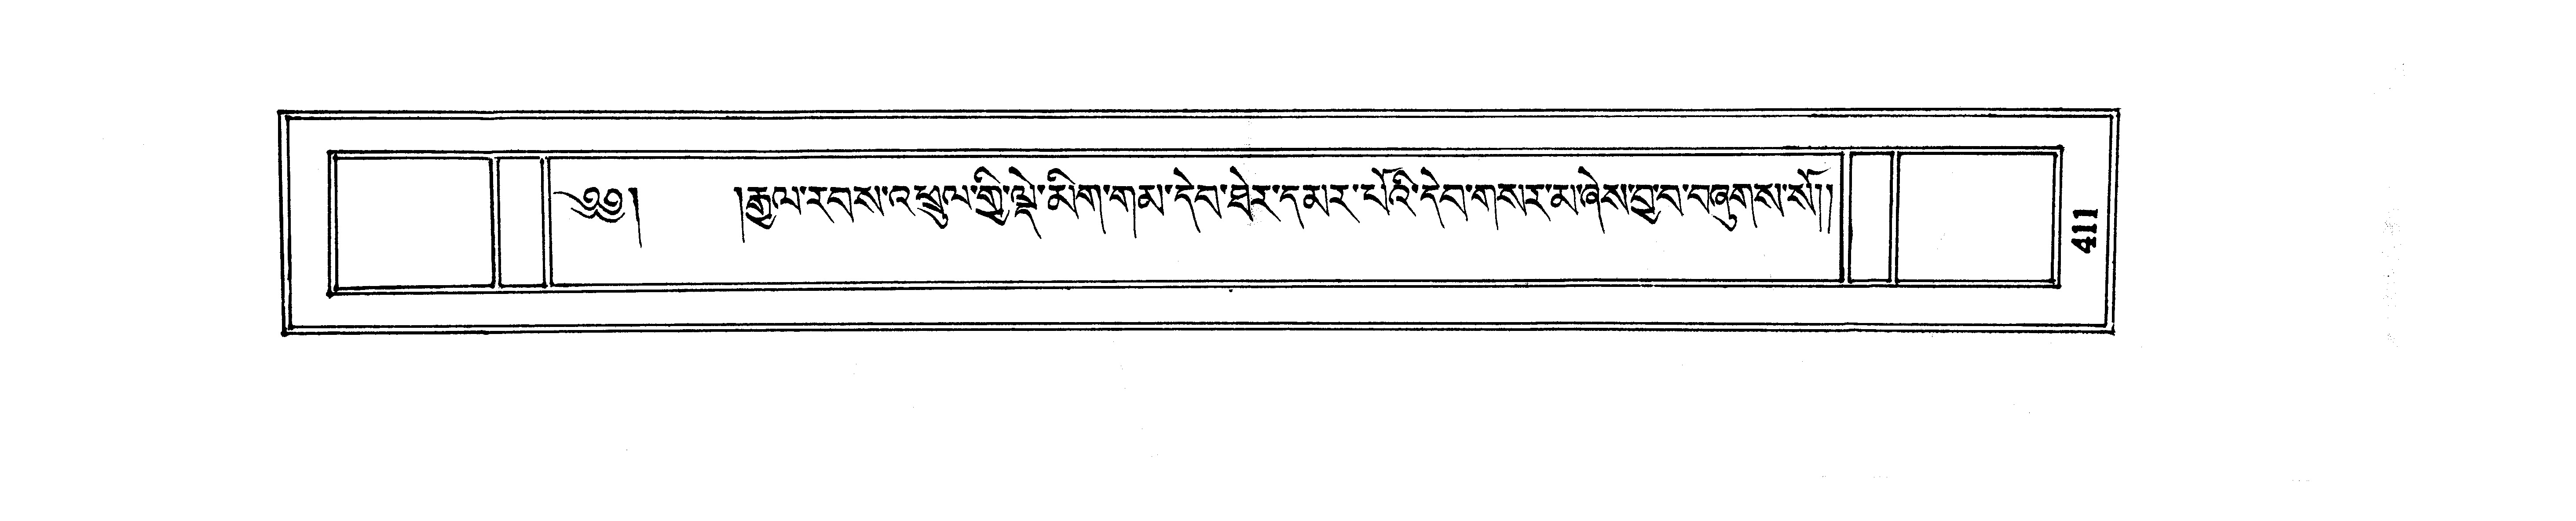༄༅། །རྒྱལ་རབས་འཕྲུལ་གྱི་ལྡེ་མིག་གམ་དེབ་ཐེར་དམར་པོའི་དེབ་གསར་མ་ཞེས་བྱ་བ་བཞུགས་སོ།།